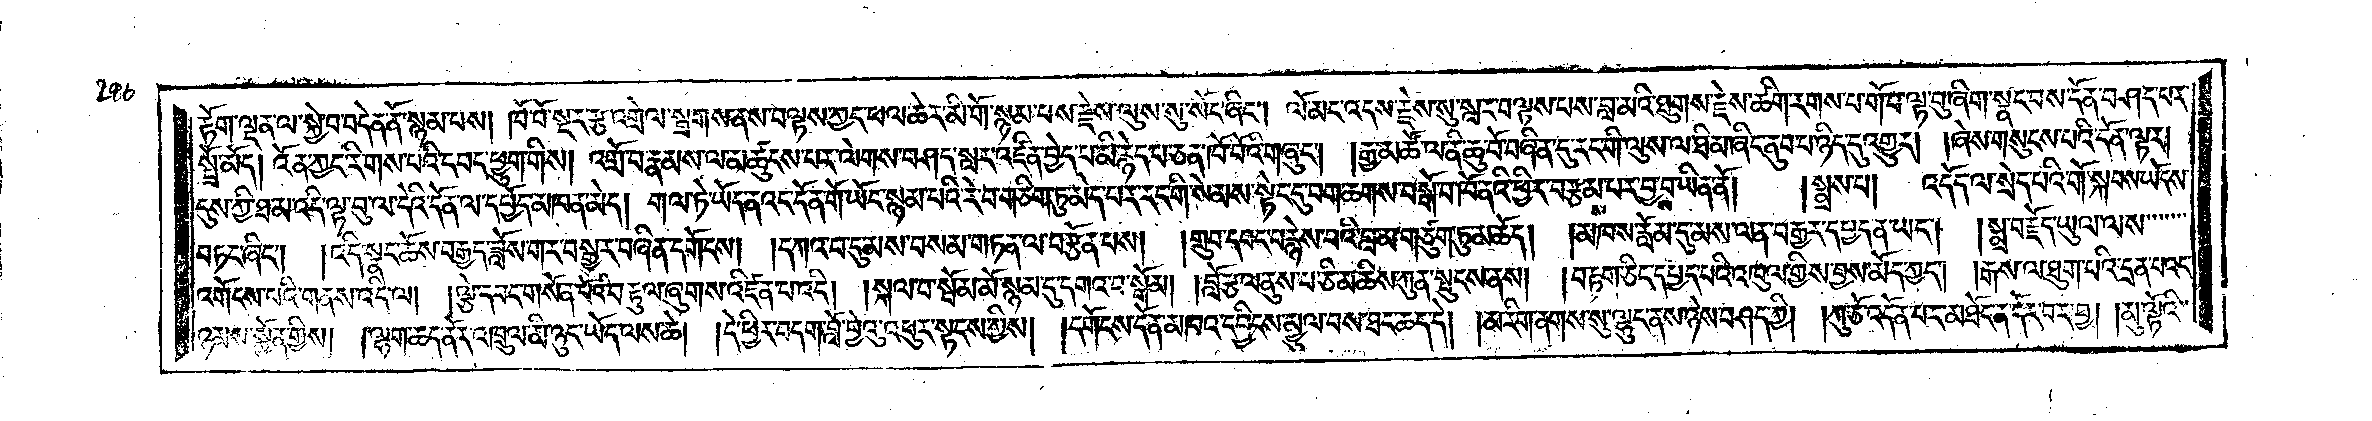རྟོག་ལྡན་ལ་སྐྱེ་བ་བདེན་ནོ་སྙམ་པས། ཁོ་བོ་སྔར་རྩ་འགྲེལ་སྦྲགས་ནས་བལྟས་ཀྱང་ཕལ་ཆེར་མི་གོ་སྙམ་པས་རྗེས་ལུས་སུ་སོང་ཞིང་། ལོ་མང་འདས་རྗེས་སུ་སླར་བལྟས་པས་བླ་མའི་ཐུགས་རྗེས་ཚིག་རགས་པ་གོ་བ་ལྟ་བུ་ཞིག་སྣང་བས་དོན་བཤད་པར་
སྤྲོ་མོད། འོན་ཀྱང་རིགས་པའི་དབང་ཕྱུག་གིས། འགྲོ་བ་རྣམས་ལ་མཚུངས་པར་ལེགས་བཤད་སླར་འཛིན་བྱེད་པ་མི་རྙེད་པ་ཅན་ཁོ་བོའི་གཞུང་། །རྒྱ་མཚོ་ལ་ནི་ཆུ་བོ་བཞིན་དུ་རང་གི་ལུས་ལ་ཐིམ་ཞིང་ནུབ་པ་ཉིད་དུ་འགྱུར། །ཞེས་གསུངས་པའི་དོན་ལྟར།
དུས་ཀྱི་ཐ་མ་འདི་ལྟ་བུ་ལ་དེའི་དོན་ལ་དཔྱོད་མཁན་མེད། གལ་ཏེ་ཡོད་ནའང་དོན་གོ་ཡོང་སྙམ་པའི་རེ་བ་གཅིག་ཏུ་མེད་པར་རང་གི་སེམས་སྟེང་དུ་བག་ཆགས་བསྒོ་བ་ཁོ་ནའི་ཕྱིར་བརྩམས་པར་བྱས་བ་ཡིན་ནོ། །སྨྲས་པ། འདོད་ལ་སྲེད་པའི་གོ་སྐབས་ཡོངས་
བཏང་ཞིང་། །འདི་སྣང་ཆོས་བརྒྱད་ཟློས་གར་བསྒྱུར་བཞིན་དགོངས། །དཀའ་བ་དུ་མས་བསམ་གཏན་ལ་བརྩོན་པས། །གྲུབ་དབང་བརྙེས་པའི་བླ་མ་གཙུག་ཏུ་མཆོད། །མཁས་རློམ་དུ་མས་ལན་བརྒྱར་དཔྱད་ན་ཡང་། །སྨྲ་བརྗོད་ཡུལ་ལས་
འགོངས་པའི་གནས་འདི་ལ། །ལྕེ་དབང་གསོན་པོའི་བརྟུལ་ཞུགས་འཛིན་པ་འདི། །སྐལ་བ་སྦོམ་མོ་སྙམ་དུ་དགའ་བ་སྒོམ། །བློ་རྩལ་ནུས་པ་ཅི་མཆིས་ཀུན་སྤུངས་ནས། །བརྟག་ཅིང་དཔྱད་པའི་འཁུལ་གྱིས་བྱས་མོད་ཀྱང་། །རྒས་ལ་ཐུག་པའི་དྲན་པའང་
ཉམས་སྐྱོན་གྱིས། །ལྷག་ཆད་ནོར་འཁྲུལ་མི་ཉུང་ཡོད་ལས་ཆེ། །དེ་ཕྱིར་བདག་བློ་བྱེའུ་འཕུར་སྟངས་ཀྱིས། །དགོངས་དོན་མཁའ་དབྱིངས་མྱུལ་བས་ཐང་ཆད་དེ། །མ་རིག་ནགས་སུ་ལྷུང་ནས་ཉེས་བཤད་ཀྱི། །ཀུ་ཅོ་འདོན་པར་མཐོང་ན་དོར་བར་བྱ། །མུ་ལྟོའི་